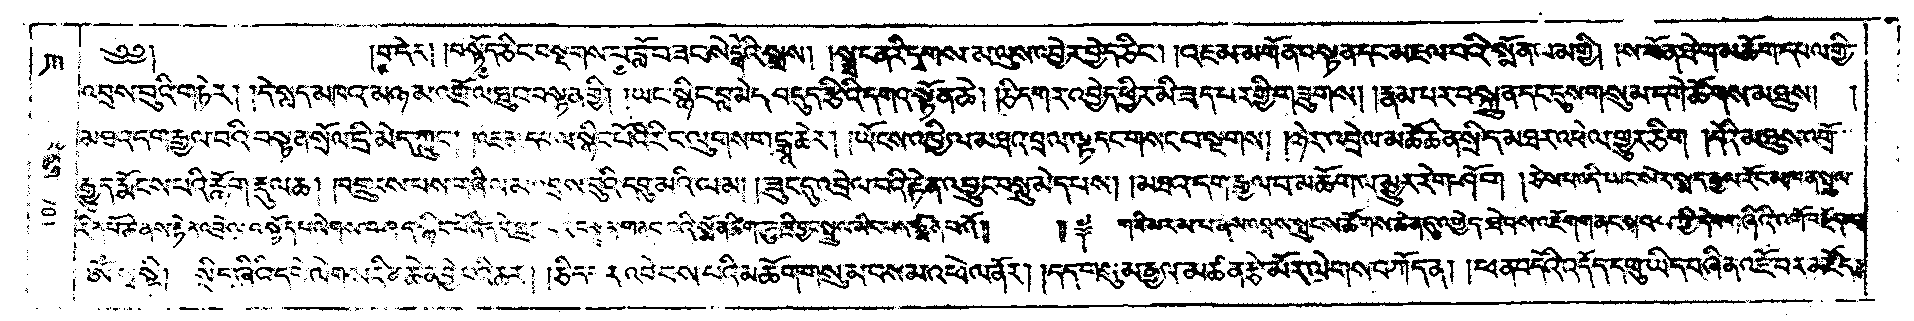༄༅། །བ་~྾་དེར། །བསྟོད྾་ཅིང་བསྔགས་པ྾་བློ་བཟང་སེངྒེའི་སྒྲས། །སྨྲ་ངན་རི་དྭགས་མ་ལུས་འབྱེར་བྱེད་ཅིང་། །འཇམ་མགོན་བསྟན་དང་མཇལ་བའི་སྨོན་ལམ་གྱི། །ས་བོན་ཐེག་མཆོག་དཔལ་གྱི་
འབྲས་བུའི་གཏེར། །དེ་སླད་མཁའ་མཉམ་འགྲོ་ལ་ཐུབ་བསྟན་གྱི། །ཡང་སྙིང་བླ་མེད་བདུད་རྩིའི་དགའ་སྟོན་ཆེ། །ཅི་དགར་འབྱེད་ཕྱིར་མི་ཟད་པར་གྱི་གཟུགས། །རྣམ་པར་བསྐྲུན་དང་དུས་གསུམ་དགེ་ཚོགས་མཐུས། །
མཐའ་དག་རྒྱལ་བའི་བསྟན་སྲོལ་དྲི་མེད་ཀླུང་། །འཇམ་དཔལ་སྙིང་པོའི་རིང་ལུགས་གངྒཱ་ཆེར། །ཡོངས་འཁྱིལ་མཐའ་བྲལ་ལྟ་དང་གསང་བ་སྔགས། །ཉེར་འབྲེལ་མཚོ་ཆེན་སྲིད་མཐར་འཕེལ་གྱུར་ཅིག །དེའི་མཐུས་འགྲོ་
རྒྱུད་རྨོངས་པའི་རྙོག་རྡུལ་ཆ། །བགྲུངས་པས་གཞི་ལམ་འབྲས་བུའི་དབུ་མའི་ལམ། །ཟུང་དུ་འབྲེལ་བའི་རྟེན་འབྱུང་བསླུ་མེད་པས། །མཐའ་དག་རྒྱལ་བ་མཆོག་ལ་མྱུར་རེག་ཤོག །ཅེས་པ་འདི་ཡང་སེར་སྨད་རྒྱལ་རོང་མཁན་སྤྲུལ་
རིན་པོ་ཆེ་ནས་རྟེན་འབྲེལ་བསྟོད་པ་ལེགས་བཤད་སྙིང་པོའི་དཔེ་ཐུང་པར་བསྐྲུན་གནང་བའི་སྨོན་ཚིག་ཏུ་ཁྲི་བྱང་སྤྲུལ་མིང་པས་སྨོན་པའོ།། །། ༈ གཟིམ་རམ་པ་ནས་འབྲས་སྤུངས་ཚོགས་ཆེན་དུ་འགྱེད་ཐེགས་འཇོག་གནང་སྐབས་ཀྱི་དེབ་གཞིའི་འགོ་བརྗོད་ལ།
ཨོཾ་སྭ་སྟི། སྲིད་ཞིའི་དགེ་ལེགས་རིན་ཆེན་བྱེ་བའི་ཆར། །ཅི་དགར་འབེབས་པའི་མཆོག་གསུམ་བསམ་འཕེལ་ནོར། །དད་གསུམ་རྒྱལ་མཚན་རྩེ་མོར་ལེགས་བཀོད་ན། །ཕན་བདེའི་འདོད་དགུ་ཡིད་བཞིན་འཇོ་བར་མཛོད། །